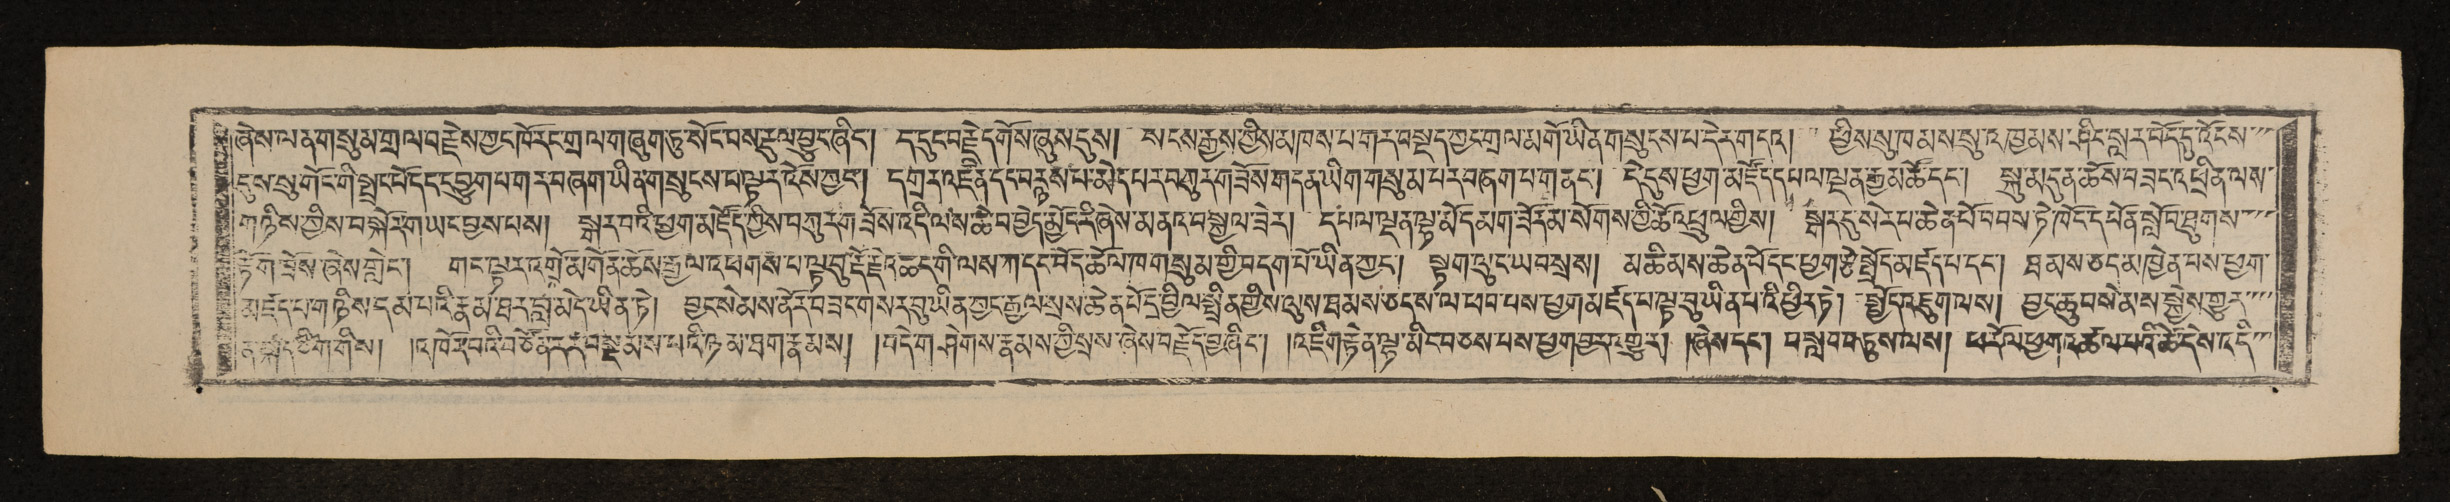ཞེས་ལན་གསུམ་གྲལ་བརྗེས་ཀྱང་ཁོ་རང་གྲལ་གཞུག་ཏུ་སོང་བས་རྡུལ་བྱུང་ཞིང་། ད་དུང་བརྗེ་དགོས་ཞུས་དུས། སངས་རྒྱས་ཀྱིས་མཁས་པ་གར་བསྡད་ཀྱང་གྲལ་མགོ་ཡིན་གསུངས་པ་དེར་གདའ། ཕྱིས་སུ་ཁམས་སུ་འཁྱམས་ཤིང་སླར་བོད་དུ་འོངས་
དུས་སུ་གོང་གི་སྤྲང་པོ་དང་དབྱུག་པ་གར་བཞག་ཡིན་གསུངས་པ་ལྟར་འོས་ཀྱང་། དགྲར་འཛིན་དང་བརྙས་པ་མེད་པར་བཀུར་གཟོས་གདན་ཡིག་གསུམ་པར་བཞག་པ་གནང་། དེ་དུས་ཕྱག་མཛོད་དཔལ་ལྡན་རྒྱ་མཚོ་དང་། སྐུ་མདུན་ཆོས་བཟང་འཕྲིན་ལས་
གཉིས་ཀྱིས་བསྐོར་གཡང་བྱས་པས། སྒར་བའི་ཕྱག་མཛོད་ཀྱིས་བཀུར་གཟོས་འདི་ལས་ཆེ་བ་བྱེད་མྱོང་རི་ཞེས་མནའ་བསྐྱལ་ཟེར། དཔལ་ལྡན་ལྷ་མོ་དམག་ཟོར་མ་སོགས་ཀྱི་ཆོ་འཕྲུལ་གྱིས། སྒར་དུ་སེར་བ་ཆེན་པོ་བབས་ཏེ་ཁོང་དཔོན་སློབ་ཐུགས་
རྟོག་ཟོས་ཞེས་གླེང་། གང་ལྟར་འགྲོ་མགོན་ཆོས་རྒྱལ་འཕགས་པ་ལྟ་བུ་རྡོ་རྗེ་འཆང་གི་ལས་ཀ་དང་བོད་ཆོལ་ཁ་གསུམ་གྱི་བདག་པོ་ཡིན་ཀྱང་། སྟག་ལུང་ཡབ་སྲས། མཆིམས་ཆེན་པོ་དང་ཕྱག་རྩེ་སྤྲོད་མཛད་པ་དང་། ཐམས་ཅད་མཁྱེན་པས་ཕྱག་
མཛད་པ་གཉིས་དམ་པའི་རྣམ་ཐར་བླ་མེད་ཡིན་ཏེ། བྱང་སེམས་ནོར་བཟང་གསར་བུ་ཡིན་ཀྱང་རྒྱལ་སྲས་ཆེན་པོ་དྲ་བྱི་ལ་སྤྲིན་གྱིས་ལུས་ཐམས་ཅད་ས་ལ་ཕབ་པས་ཕྱག་མཛད་པ་ལྟ་བུ་ཡིན་པའི་ཕྱིར་ཏེ། སྤྱོད་འཇུག་ལས། བྱང་ཆུབ་སེམས་སྐྱེས་གྱུར་
ན་སྐད་ཅིག་གིས། །འཁོར་བའི་བཙོན་རར་བསྡམས་པའི་ཉམ་ཐག་རྣམས། །བདེ་གཤེགས་རྣམས་ཀྱི་སྲས་ཞེས་བརྗོད་བྱ་ཞིང་། །འཇིག་རྟེན་ལྷ་མིར་བཅས་པས་ཕྱག་བྱར་འགྱུར། །ཞེས་དང་། བསླབ་བཏུས་ལས། ཕ་རོལ་ཕྱག་འཚལ་པའི་ཚེ་དེས་འདི་